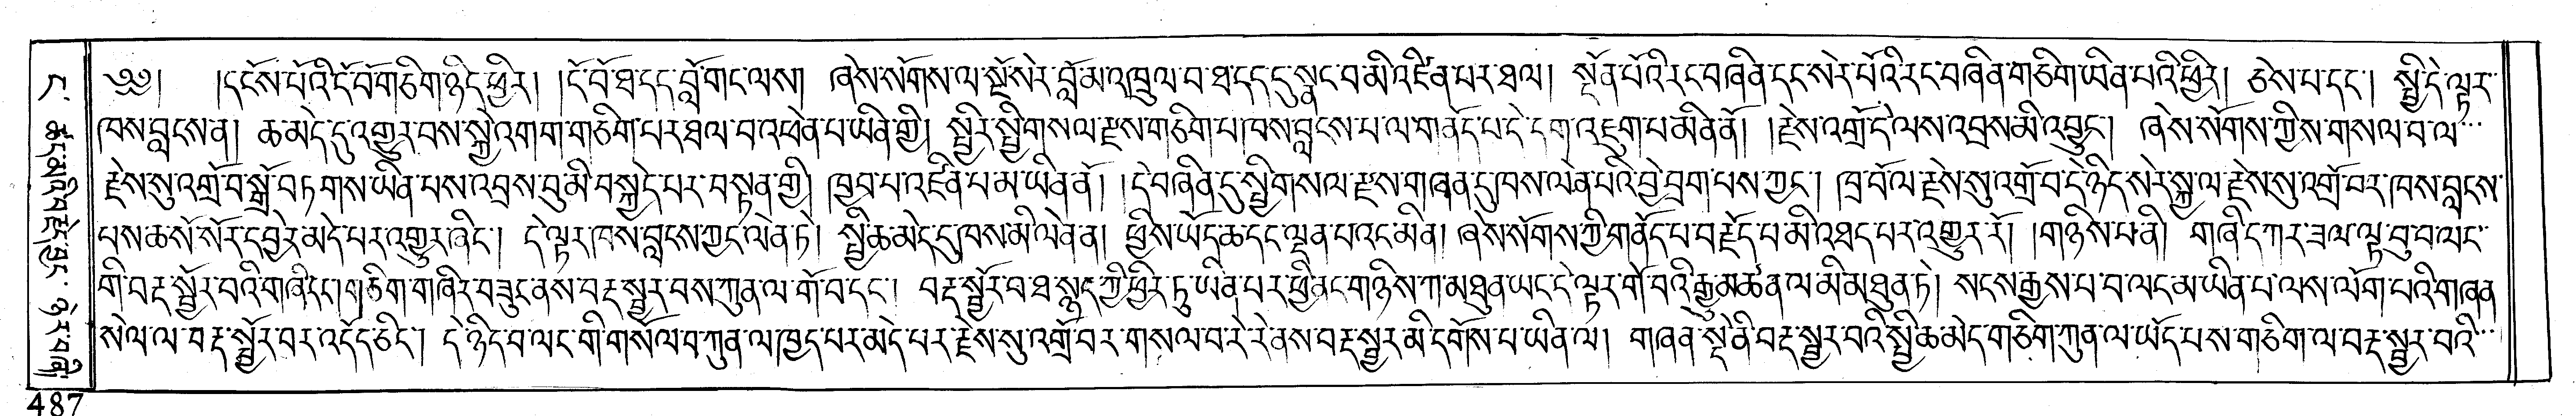༄༅། །དངོས་པོའི་ངོ་བོ་གཅིག་ཉིད་ཕྱིར། །ངོ་བོ་ཐ་དད་བློ་གང་ལས། ཞེས་སོགས་ལ་སྔོ་སེར་བློ་མ་འཁྲུལ་བ་ཐ་དད་དུ་སྣང་བ་མི་འཐད་པར་ཐལ། སྔོན་པོའི་རང་བཞིན་དང་སེར་པོའི་རང་བཞིན་གཅིག་ཡིན་པའི་ཕྱིར། ཅེས་པ་དང་། སྤྱི་དེ་ལྟར་
ཁས་བླངས་ན། ཆ་མེད་དུ་འགྱུར་བས་སྐྱེ་འགག་གཅིག་པར་ཐལ་བ་འཕེན་པ་ཡིན་གྱི། སྤྱིར་སྤྱི་གསལ་རྫས་གཅིག་པ་ཁས་བླངས་པ་ལ་གནོད་པ་དེ་དག་འཇུག་པ་མིན་ནོ། །རྗེས་འགྲོ་དེ་ལས་འབྲས་མི་འབྱུང་། ཞེས་སོགས་ཀྱིས་གསལ་བ་ལ་
རྗེས་སུ་འགྲོ་བ་སྒྲོ་བཏགས་ཡིན་པས་འབྲས་བུ་མི་བསྐྱེད་པར་བསྟན་གྱི། ཁྱབ་པ་འཛིན་པ་མ་ཡིན་ནོ། །དེ་བཞིན་དུ་སྤྱི་གསལ་རྫས་གཞན་དུ་ཁས་ལེན་པའི་བྱེ་བྲག་པས་ཀྱང་། ཁྲ་བོ་ལ་རྗེས་སུ་འགྲོ་བ་དེ་ཉིད་སེར་སྐྱ་ལ་རྗེས་སུ་འགྲོ་བར་ཁས་བླངས་
པས་ཆ་སོ་སོར་དབྱེར་མེད་པར་འགྱུར་ཞིང་། དེ་ལྟར་ཁས་བླངས་ཀྱང་ལེན་ཏེ། སྤྱི་ཆ་མེད་དུ་ཁས་མི་ལེན་ན། ཕྱིས་ཡོད་ཆ་དང་ལྡན་པའང་མིན། ཞེས་སོགས་ཀྱི་གནོད་པ་བརྗོད་པ་མི་འཐད་པར་འགྱུར་རོ། །གཉིས་པ་ནི། གཞི་དཀར་ཟལ་ལྟ་བུ་བ་ལང་
གི་བརྡ་སྦྱོར་བའི་གཞི་དང་། གཅིག་གཞིར་བཟུང་ནས་བརྡ་སྦྱར་བས་ཀུན་ལ་གོ་བ་དང་། བརྡ་སྦྱོར་བ་ཐ་སྙད་ཀྱི་ཕྱིར་ཏུ་ཡིན་པར་ཕྱི་ནང་གཉིས་ཀ་མཐུན་ཡང་དེ་ལྟར་གོ་བའི་རྒྱུ་མཚན་ལ་མི་མཐུན་ཏེ། སངས་རྒྱས་པ་བ་ལང་མ་ཡིན་པ་ལས་ལོག་པའི་གཞན་
སེལ་ལ་བརྡ་སྦྱོར་བར་འདོད་ཅིང་། དེ་ཉིད་བ་ལང་གི་གསལ་བ་ཀུན་ལ་ཁྱད་པར་མེད་པར་རྗེས་སུ་འགྲོ་བས་གསལ་བ་རེ་རེ་ནས་བརྡ་སྦྱར་མི་དགོས་པ་ཡིན་ལ། གཞན་སྡེ་ནི་བརྡ་སྦྱར་བའི་སྤྱི་ཆ་མེད་གཅིག་ཀུན་ལ་ཡོད་པས་གཅིག་ལ་བརྡ་སྦྱར་བའི་